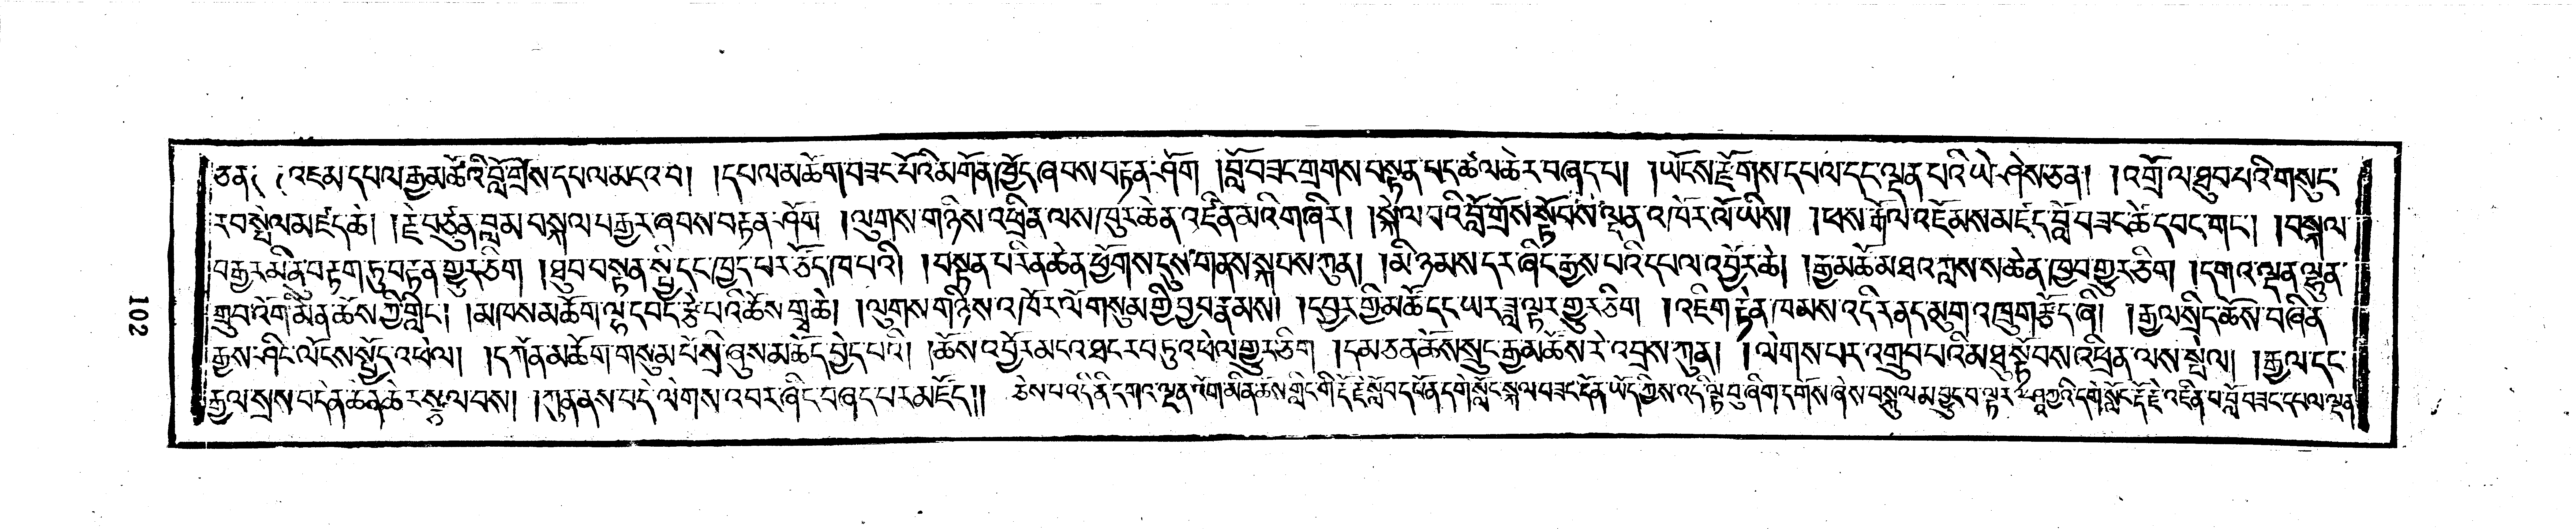ཅན༑ ༑འཇམ་དཔལ་རྒྱ་མཚོའི་བློ་གྲོས་དཔལ་མངའ་བ། །དཔལ་མཆོག་བཟང་པོའི་མགོན་ཁྱོད་ཞབས་བརྟན་ཤོག། བློ་བཟང་གྲགས་བསྟན་པད་ཚེལ་ཆེར་བཞད་པ། །ཡོངས་རྫོགས་དཔལ་དང་ལྡན་པའི་ཡེ་ཤེས་ཅན། །འགྲོ་ལ་ཐུབ་པའི་གསུང་
རབ་སྤེལ་མཛད་ཆེ། །རྗེ་བཙུན་བླ་མ་བསྐལ་བརྒྱར་ཞབས་བརྟན་ཤོག །ལུགས་གཉིས་འཕྲིན་ལས་ཁུར་ཆེན་འཛིན་མའི་གཞིར། །སྐེལ་བའི་བློ་གྲོས་སྟོབས་ལྡན་འཁོར་ལོ་ཡིས། །ཕས་རྒོལ་འཇོམས་མཛད་བློ་བཟང་ཚེ་དབང་གང་། །བསྐལ་
བརྒྱར་མི་ནུབ་རྟག་ཏུ་བརྟན་གྱུར་ཅིག །ཐུབ་བསྟན་སྤྱི་དང་ཁྱད་པར་ཙོད་ཁ་པའི། །བསྟན་པ་རིན་ཆེན་ཕྱོགས་དུས་གནས་སྐབས་ཀུན། །མི་ཉམས་དར་ཞིང་རྒྱས་པའི་དཔལ་འབྱོར་ཆེ། །རྒྱ་མཚོ་མཐའ་ཀླས་ས་ཆེན་ཁྱབ་གྱུར་ཅིག །དགའ་ལྡན་ལྷུན་
གྲུབ་འོག་མིན་ཆོས་ཀྱི་གླིང་། །མཁས་མཆོག་ལྷ་དབང་རྩེ་བའི་ཆོས་གྲྭ་ཆེ། །ལུགས་གཉིས་འཁོར་ལོ་གསུམ་གྱི་བྱ་བ་རྣམས། །དབྱར་གྱི་མཚོ་དང་ཡར་ཟླ་ལྟར་གྱུར་ཅིག །འཇིག་རྟེན་ཁམས་འདིར་ནད་མུག་འཁྲུག་རྩོད་ཞི། །རྒྱལ་སྲིད་ཆོས་བཞིན་
རྒྱས་ཤིང་ལོངས་སྤྱོད་འཕེལ། །དཀོན་མཆོག་གསུམ་པོ་སྲི་ཞུས་མཆོད་བྱེད་པའི། །ཆོས་འབྱོར་མངའ་ཐང་རབ་ཏུ་འཕེལ་གྱུར་ཅིག །དམ་ཅན་ཆོས་སྲུང་རྒྱ་མཚོས་རེ་འབྲས་ཀུན། །ལེགས་པར་འགྲུབ་པའི་མཐུ་སྟོབས་འཕྲིན་ལས་སྤེལ། །རྒྱལ་དང་
རྒྱལ་སྲས་བདེན་ཆེན་ཆེར་སྩལ་བས། །ཀུན་ནས་བདེ་ལེགས་འབར་ཞིང་བཞད་པར་མཛོད།། ཅེས་པ་འདི་ནི་དགའ་ལྡན་འོག་མིན་ཆོས་གླིང་གི་རྡོ་རྗེ་སློབ་དཔོན་དགེ་སློང་སྐལ་བཟང་དོན་ཡོད་ཀྱིས་འདི་ལྟ་བུ་ཞིག་དགོས་ཞེས་བསྐུལ་མ་བྱུང་བ་ལྟར་༧་ཤཱཀྱའི་དགེ་སློང་རྡོ་རྗེ་འཛིན་པ་བློ་བཟང་དཔལ་ལྡན་